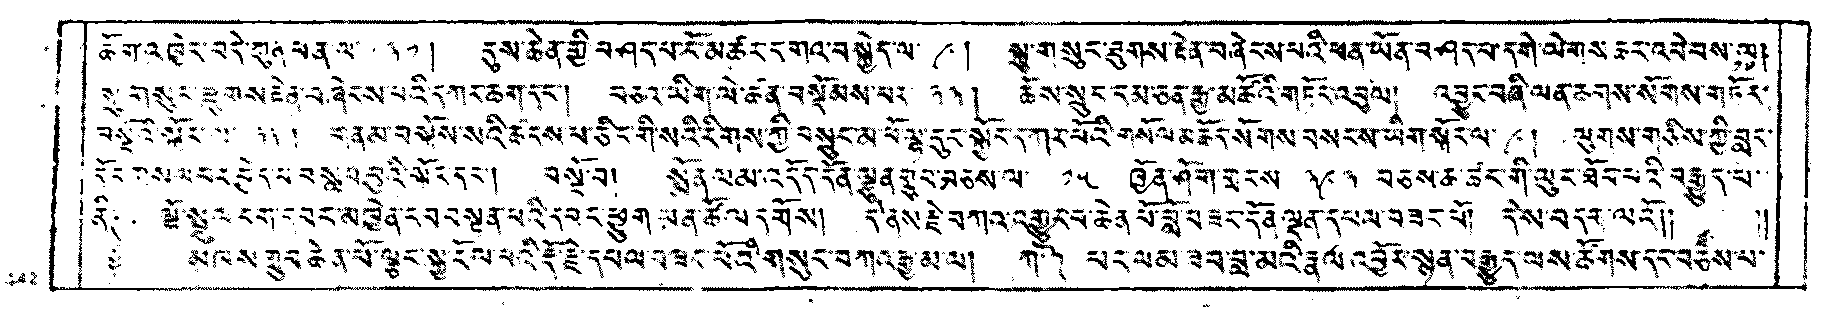ཆོག་འཁྱེར་བདེ་ཀུན་ཕན་ལ ༣༡། དུས་ཆེན་གྱི་བཤད་པ་ངོ་མཚར་དགའ་བསྐྱེད་ལ ༩། སྐུ་གསུང་ཐུགས་རྟེན་བཞེངས་པའི་ཕན་ཡོན་བཤད་པ་དགེ་ལེགས་ཆར་འབེབས་ལ ༡༧།
སྐུ་གསུང་ཐུགས་རྟེན་བཞེངས་པའི་དཀར་ཆག་དང་། བཅའ་ཡིག་ལེ་ཚན་བསྡོམས་པར ༢༣། ཆོས་སྲུང་དམ་ཅན་རྒྱ་མཚོའི་གཏོར་འབུལ། འབྱུང་བཞི་ལན་ཆགས་སོགས་གཏོར་
བསྔོའི་སྐོར་ལ ༢༢། གནམ་བསྐོས་སའི་ཚངས་པ་ཅིང་གི་སའི་རིགས་ཀྱི་བསྲུང་མ་ཕོ་ལྷ་དུང་སྐྱོང་དཀར་པོའི་གསོལ་མཆོད་སོགས་བསངས་ཡིག་སྐོར་ལ ༩། ལུགས་གཉིས་ཀྱི་བླང་
དོར་གསལ་བར་བྱེད་པ་བསླབ་བྱའི་སྐོར་དང་། བསྔོ་བ། སྨོན་ལམ་འདོད་དོན་ལྷུན་གྲུབ་བཅས་ལ ༡༥་ཁྱོན་ཤོག་གྲངས ༣༩༢་བཅས་ཆ་ཚང་གི་ལུང་ཐོབ་པའི་བརྒྱུད་པ་
ནི༑ ལྷོ་སྤྲུལ་ངག་དབང་མཁྱེན་རབ་བསྟན་པའི་དབང་ཕྱུག་ཡན་ཚོལ་དགོས། དེ་ནས་རྗེ་བཀའ་འགྱུར་བ་ཆེན་པོ་བློ་བཟང་དོན་ལྡན་དཔལ་བཟང་པོ། དེས་བདག་ལའོ།། །།
༈ མཁས་གྲུབ་ཆེན་པོ་ལྕང་སྐྱ་རོལ་པའི་རྡོ་རྗེ་དཔལ་བཟང་པོའི་གསུང་བཀའ་རྒྱ་མ་ལ། ཀ྄་པར་ལམ་ཟབ་བླ་མའི་རྣལ་འབྱོར་སྙན་བརྒྱུད་ལས་ཚོགས་དང་བཅས་ཛ་པ་